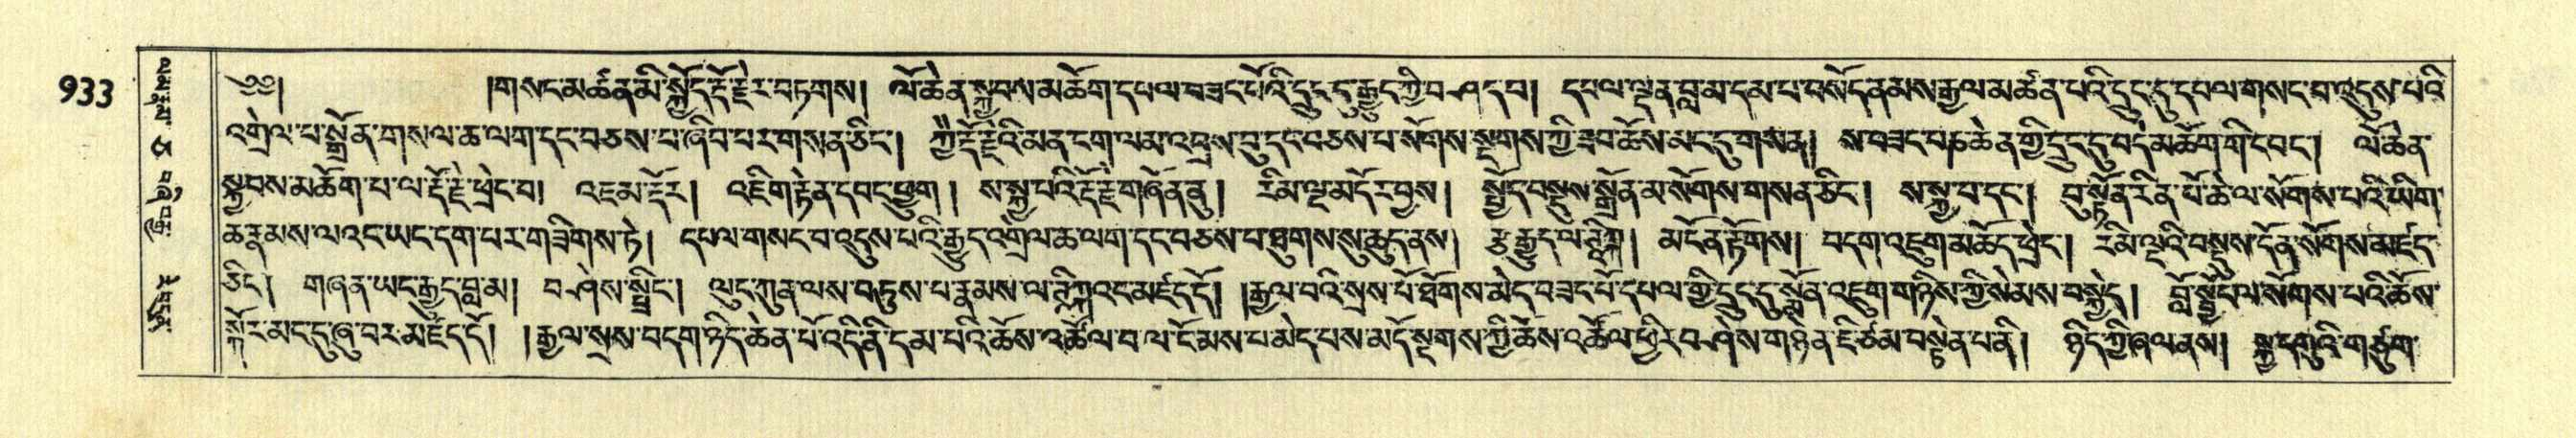༄༅། །གསང་མཚན་མི་སྐྱོད་རྡོ་རྗེར་བཏགས། ལོ་ཆེན་སྐྱབས་མཆོག་དཔལ་བཟང་པོའི་དྲུང་དུ་རྒྱུང་ཀྱི་བཤད་པ། དཔལ་ལྡན་བླ་མ་དམ་པ་བསོད་ནམས་རྒྱལ་མཚན་པའི་དྲུང་དུ་དཔལ་གསང་བ་འདུས་པའི་
འགྲེལ་པ་སྒྲོན་གསལ་ཆ་ལག་དང་བཅས་པ་ཞིབ་པར་གསན་ཅིང་། ཀྱཻ་རྡོ་རྗེའི་མན་ངག་ལམ་འབྲས་བུ་དང་བཅས་པ་སོགས་སྔགས་ཀྱི་ཟབ་ཆོས་མང་དུ་གསན། ས་བཟང་པཎ་ཆེན་གྱི་དྲུང་དུ་བདེ་མཆོག་གི་དབང་། ལོ་ཆེན་
སྐྱབས་མཆོག་པ་ལ་རྡོ་རྗེ་ཕྲེང་བ། འཇམ་རྡོར། འཇིག་རྟེན་དབང་ཕྱུག། ས་སྐྱ་པའི་རྡོ་རྗེ་གཞོན་ནུ། རིམ་ལྔ་མདོར་བྱས། སྤྱོད་བསྡུས་སྒྲོན་མ་སོགས་གསན་ཅིང་། ས་སྐྱ་པ་དང་། བུ་སྟོན་རིན་པོ་ཆེ་ལ་སོགས་པའི་ཡིག་
ཆ་རྣམས་ལའང་ཡང་དག་པར་གཟིགས་ཏེ། དཔལ་གསང་བ་འདུས་པའི་རྒྱུད་འགྲེལ་ཆ་ལག་དང་བཅས་པ་ཐུགས་སུ་ཆུད་ནས། རྩ་རྒྱུད་ལ་ཊཱིཀྐ། མངོན་རྟོགས། བདག་འཇུག་མཆོད་ཕྲེང་། རིམ་ལྔའི་བསྡུས་དོན་སོགས་མཛད་
ཅིང་། གཞན་ཡང་རྒྱུད་བླ་མ། བཤེས་སྤྲིང་། ལུང་ཀུན་ལས་བཏུས་པ་རྣམས་ལ་ཊཱིཀྐའང་མཛད་དོ། །རྒྱལ་བའི་སྲས་པོ་ཐོགས་མེད་བཟང་པོ་དཔལ་གྱི་དྲུང་དུ་སྨོན་འཇུག་གཉིས་ཀྱི་སེམས་བསྐྱེད། བློ་སྦྱོང་ལ་སོགས་པའི་ཆོས་
སྐོར་མང་དུ་ཞུ་བར་མཛད་དོ། །རྒྱལ་སྲས་བདག་ཉིད་ཆེན་པོ་འདི་ནི་དམ་པའི་ཆོས་འཚོལ་བ་ལ་ངོམས་པ་མེད་པས་མདོ་སྔགས་ཀྱི་ཆོས་འཚོལ་ཕྱིར་བཤེས་གཉེན་ཇི་ཙམ་བསྟེན་པ་ནི། ཉིད་ཀྱི་ཞལ་ནས། སྐྱ་དགུའི་གཙུག་